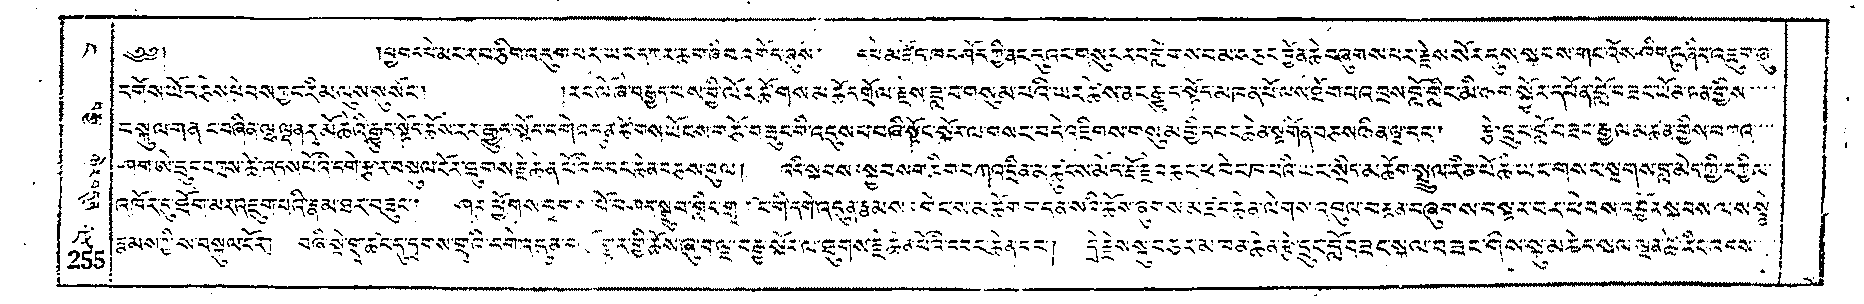༄༅། །ཕྱག་དཔེ་མང་རབ་ཅིག་འདུག་པར་ཡང་དཀར་ཆག་ཞིབ་འགོད་ཞུས། དཔེ་མཛོད་ཁང་ཤོད་ཀྱི་ནང་དུའང་གསུང་རབ་གླེགས་བམ་ཧ་ཅང་ཁྱོན་ཆེ་བཞུགས་པར་རྗེས་སོར་དུས་སྐབས་གང་འོས་ཤིག་ཏུ་ཞིབ་འཇུག་ཞུ་
དགོས་ཡོད་ཅེས་ཕེབས་ཀྱང་རིམ་ལུས་སུ་སོང་། །རང་ལོ་ཞེ་བརྒྱད་པ་ས་བྱི་ལོར་ཚོགས་མཆོད་གྲོལ་རྗེས་ཟླ་བ་གསུམ་པའི་ཡར་ཚེས་ནང་རྒྱུད་སྟོད་མཁན་པོ་ལས་ཐོག་པ་འབྲས་བློ་གླིང་མི་ཉག་སྐྱོར་དཔོན་བློ་བཟང་ཡོན་ཏན་གྱིས་
བསྐུལ་གནང་བཞིན་ལྷ་ལྡན་རྭ་མོ་ཆེའི་རྒྱུད་སྟོད་ཆོས་རར་རྒྱུད་སྟོད་དགེ་འདུན་ཚོགས་ཡོངས་གཙོ་བཟུང་གི་འདུས་པ་བཞི་སྟོང་སྐོར་ལ་གསང་བདེ་འཇིགས་གསུམ་གྱི་དབང་ཆེན་སྟ་གོན་བཅས་ཉིན་ལྔ་དང་། རྩེ་དྲུང་བློ་བཟང་རྒྱལ་མཚན་གྱིས་བཀའ་
ཤག་ཨེ་དྲུང་བཀྲས་ཚེ་འདས་པོའི་དགེ་རྩར་བསྐུལ་ངོར་ཐུགས་རྗེ་ཆེན་པོའི་དབང་ཆེན་བཅས་བུལ། འདི་སྐབས་༧སྐྱབས་གཅིག་བཀའ་དྲིན་མཚུངས་མེད་རྡོ་རྗེ་འཆང་ཕ་བོང་ཁ་པའི་ཡང་སྲིད་མཆོག་སྤྲུལ་རིན་པོ་ཆེ་ཡང་གསང་སྔགས་བླ་མེད་ཀྱི་དཀྱིལ་
འཁོར་དུ་ཐོག་མར་འཇུག་པའི་རྣམ་ཐར་བཟུང་། ཤར་ཕྱོགས་དྭགས་པོ་བཤད་སྒྲུབ་གླིང་གྲྭ་ཚང་གི་དགེ་འདུན་རྣམས་༧གོང་ས་མཆོག་གདན་སའི་ཆོས་ཞུགས་མཛད་ཆེན་ལེགས་འབུལ་བརྟན་བཞུགས་བསྟར་བར་ཕེབས་འབྱོར་སྐབས་ལས་སྣེ་
རྣམས་ཀྱིས་བསྐུལ་ངོར། བཞི་སྡེ་གྲྭ་ཚང་དུ་དྭགས་གྲྭའི་དགེ་འདུན་གཙོ་གྱུར་གྱི་ཆོས་ཞུ་བ་ལྔ་བརྒྱ་སྐོར་ལ་ཐུགས་རྗེ་ཆེན་པོའི་དབང་ཆེན་དང་། དྲི་རྗེས་སྐུ་བཅར་མཁན་ཆེན་རྩེ་དྲུང་བློ་བཟང་སྐལ་བཟང་གིས་སྐུ་མཆེད་སྐལ་ལྡན་ཚེ་རིང་འདས་